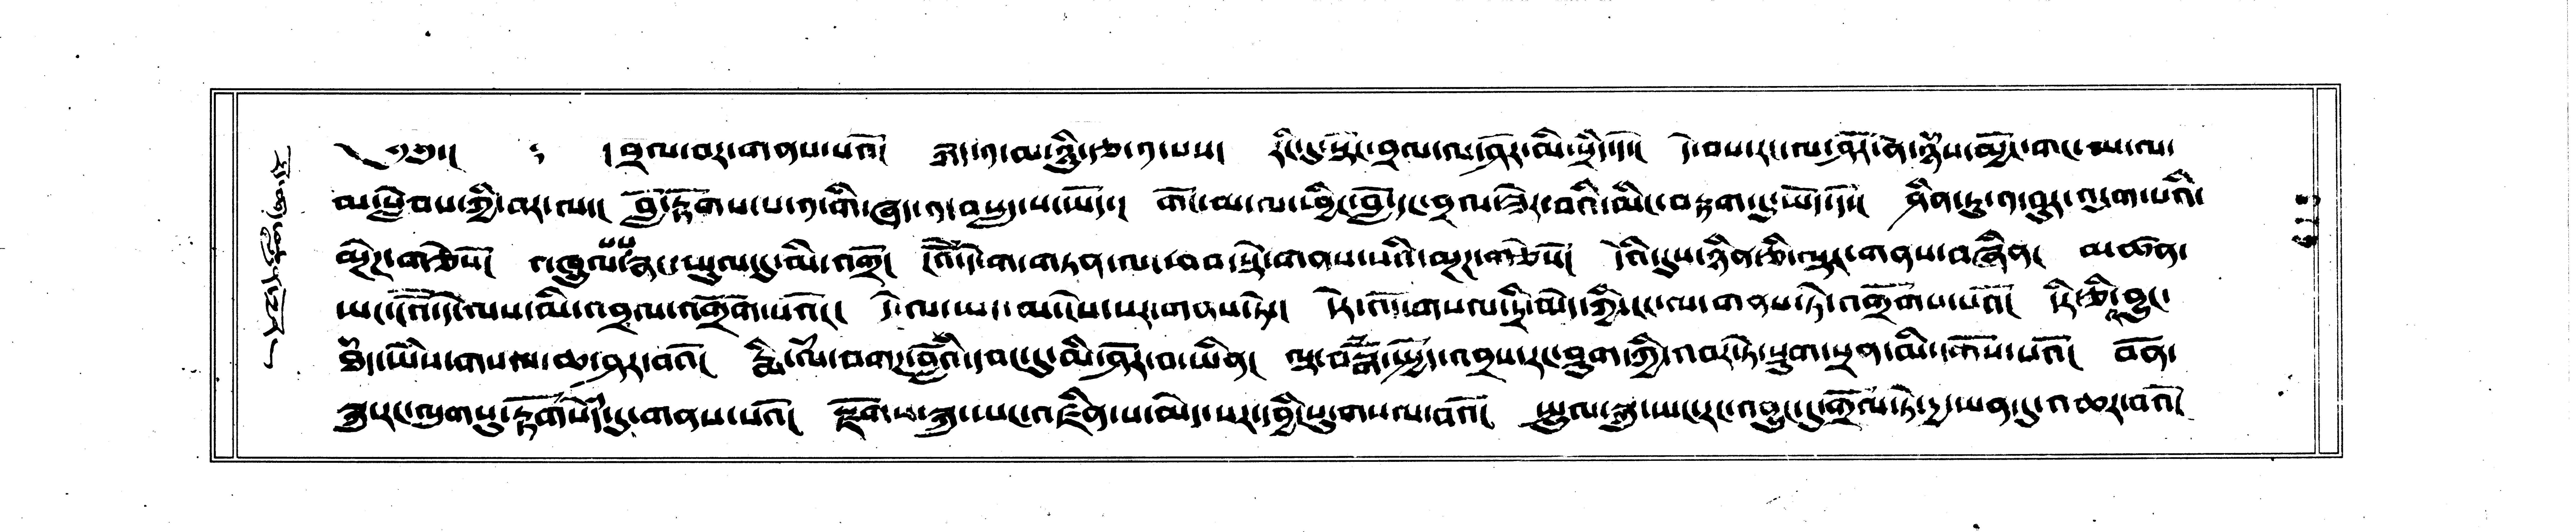བྲལ་བར་གནས་པའོ། སྐད་ཅིག་མ་ཉི་ཤུ་རྩ་ཅིག་བེས་རིང་ལ་སྟོར་”སྟོང”བྲལ་དུ་ཤོར་མི་སྲིད་དོ། དེ་བེས་རིང་ལ་ཤོར་ན་ཉམས་མྱོང་གོང་མ་ལ་
མ་སླེབ་པའི་བར་ལ་ བློ་རྟོག་པ་ཞེད་བསླད་པ་ཡོད་དོ། གོང་མ་ལ་མ་ཕྱིན་ནས་བློ་དང་བྲལ་ཟེར་བའི་མིང་བཏག་ཏུ་ཡོད་སྟེ། ཤིན་ཏུ་གཅིག་བུར་འདུག་པའི་
མེན་ངག་གཅེས་སོ། འཁྲུལ་པའི་སྣང་ཡུལ་དུ་མི་འགྲོ། ངོའོ་དེ་ཀ་གཏན་ལ་ཕབ་ཏེ་གནས་པའི་མེན་ངག་གཅེས་སོ། དེའི་དུས་ལ་ཉིན་ཅི་ལྟར་གནས་པ་བཞིན། མཚན་
ཀྱང་ངོའོ་དེ་དང་མི་འབྲལ་འགྲོགས་པའོ། དེ་ལ་ཡང་མ་ངེས་པར་གནས་ཏེ། དར་རེས་འོད་གསལ་དྲི་མེད་ཀྱིས་ངང་ལ་གནས་ཏེ་འགྲོག་པའོ། དར་རེས་ཅི་འགྱུ་
ཐམས་ཅད་ཡེ་ཤེས་གསལ་ཆ་ཤར་བའོ། རྨི་ལམ་བག་ཆགས་བློའི་དབང་དུ་མི་ཤོར་བ་ཡིན་ནོ། ལྟ་སྒོམ་སྤྱོད་འབྲས་རང་ཤུགས་ཀྱི་བྷར་(འབར)ཏེ་སྡུག་སྲས་༼སྲན༽མི་དགོས་ཏེ། བོན་
སྐུ་རང་ལུགས་སུ་རྟོག་མེད་དུ་གནས་སོ། རྫོགས་སྐུ་ཡང་འཛིན་པ་མེད་པར་དབྱིངས་སུ་གསལ་བའོ སྤྲུལ་སྐུ་ཡང་རང་གྲོལ་དུ་འབྱུང་སྟེ་རྒྱ་ཡན་དུ་འཆར་བའོ།